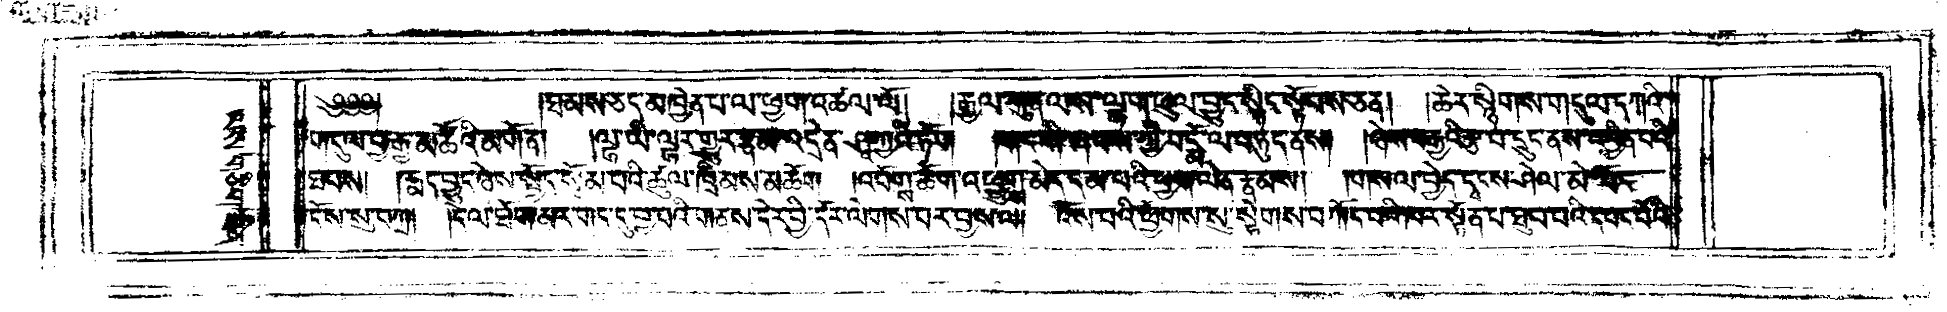༄༅༅། །ཐམས་ཅད་མཁྱེན་པ་ལ་ཕྱག་འཚལ་ལོ། །རྒྱལ་ཀུན་ལས་ལྷག་ཕུལ་བྱུང་སྙིང་སྟོབས་ཅན། །ཆེར་སྙིགས་གདུལ་དཀའི་
གདུལ་བྱ་རྒྱ་མཚོའི་མགོན། །ལྷ་ཡི་ལྷར་གྱུར་རྣམ་འདྲེན་ཤཱཀྱའི་ཏོག །གང་གི་ཞབས་ཀྱི་པདམོ་ལ་བཏུད་ནས། །ཉེས་བརྒྱའི་རྩ་བ་དྲུང་ནས་འབྱིན་པའི་
ཐབས། །རྨད་བྱུང་ཉེས་སྤྱོད་སྡོམ་པའི་ཚུལ་ཁྲིམས་མཆོག །འབོགས་ཆོག་འཕྱུགས་མེད་དམ་པའི་ཕྱག་ལེན་རྣམས། །གསལ་བྱེད་དྭངས་ཤེལ་མེ་ལོང་
ངོས་སུ་བཀྲ། །དེ་ལ་ཐོག་མར་གང་དུ་བྱ་བའི་གནས་དེར་བྱི་དོར་ལེགས་པར་བྱས་ལ། འོས་པའི་ཕྱོགས་སུ་སྟེགས་བཀོད་པའི་ཁར་སྟོན་པ་ཐུབ་པའི་དབང་པོའི་